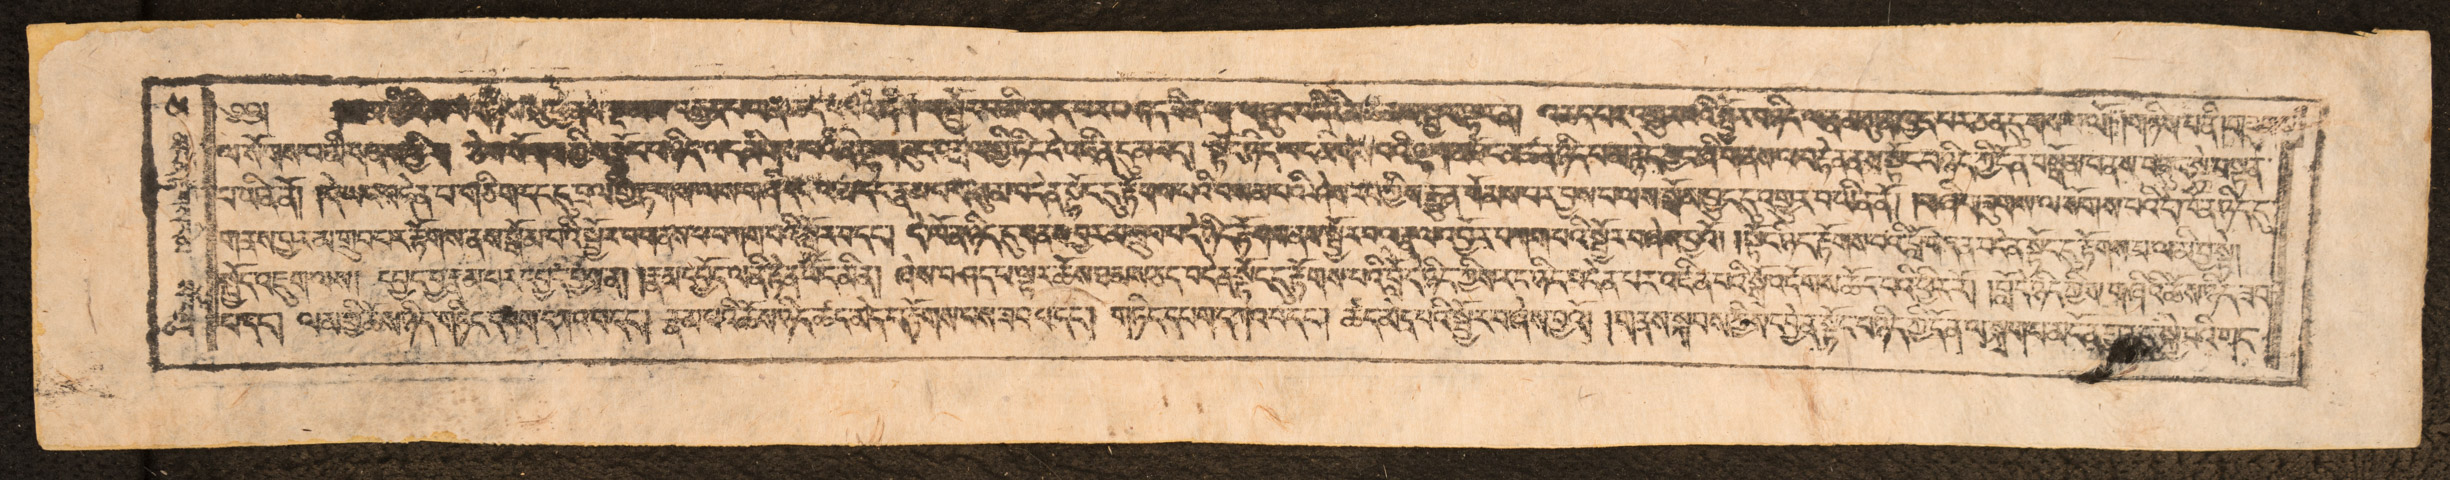༄༅། །ལམ་གྱི་རིམ་པ་གཉིས་སུ་ཕྱེ་ནས་སྔ་མས་བརྒྱད་པ་ཡན་ཆད་འབའ་ཞིག་ལ་སྦྱོར་བ་མི་འཐད་པར་བཤད་ཟིན་ལ། གཞུང་འདིའི་མཚམས་སྦྱར་ལྟར་ན། འཆད་པར་འགྱུར་བའི་སྦྱོར་བ་ཉིད་ལ་རྣམ་ཀུན་ཁྱད་པར་ཅན་དུ་གསལ་ལོ། །གཉིས་པ་ནི། གཟུགས་
ལ་སོགས་པ་མི་གནས་ཕྱིར། ཅེས་སོགས་ཀྱིས་སྟོང་པ་ཉིད་ལ་དམིགས་པའི་ཞི་ལྷག་ཟུང་འབྲེལ་གྱི་ཏིང་ངེ་འཛིན་དུ་མ་ཟད། སྟོང་ཉིད་ལ་དམིགས་པའི་ལྷག་མཐོང་མཚན་ཉིད་པ་མ་རྙེད་ཀྱང་ཞི་གནས་ལ་བརྟེན་ནས་སྟོང་པ་ཉིད་ཀྱི་དོན་བསྒོམ་པ་ནས་བཟུང་སྟེ་བསྟན་
པ་ཡིན་ནོ། །དེ་ཡང་བདེན་པ་གཅིག་དང་དུ་བྲལ་གྱི་རྟགས་ལས་གཞི་དང་ལམ་དང་རྣམ་པ་གསུམ་བདེན་སྟོང་དུ་རྟོགས་པའི་བསམ་པའི་ཤེས་རབ་ཀྱིས་རྒྱུན་གོམས་པར་བྱས་པ་ལས་སྒོམ་བྱུང་དུ་འགྱུར་བ་ཡིན་ནོ། །གཞི་གཟུགས་ལ་སོགས་པའི་དེ་ཁོ་ན་ཉིད་དུ་
གནས་བྱར་མ་གྲུབ་པར་རྟོགས་ནས་སྒོམ་པའི་སྦྱོར་བ་གནས་པ་བཀག་པའི་སྦྱོར་བ་དང་། དེ་ཁོ་ན་ཉིད་དུ་གནས་བྱར་མ་གྲུབ་པ་དེ་ཉིད་རྟོགས་ནས་སྦྱོར་བ་ལ་རྣལ་འབྱོར་བཀག་པའི་སྦྱོར་བ་ཞེས་བྱའོ། །སྟོང་ཉིད་རྟོགས་པའི་བློ་གཞན་བདེན་སྟོང་དུ་རྟོགས་པ་ལ་མི་བྱ་སྟེ།
སྤྱོད་འཇུག་ལས། དཔྱད་བྱ་རྣམ་པར་དཔྱད་བྱས་ན། །རྣམ་དཔྱོད་ལ་ནི་རྟེན་ཡོད་མིན། ཞེས་བཤད་པ་ལྟར་ཆོས་ཐམས་ཅད་བདེན་སྟོང་དུ་རྟོགས་པའི་བློ་དེ་ཉིད་ཀྱིས་རང་ཉིད་བདེན་པར་འཛིན་པའི་སྒྲོ་འདོགས་ཆོད་པའི་ཕྱིར་རོ། །བློ་དེ་ཉིད་ཀྱིས་གཞིའི་ཆོས་ཉིད་ཟབ་
པ་དང་། ལམ་གྱི་ཆོས་ཉིད་གཏིང་དཔག་དཀའ་བ་དང་། རྣམ་པའི་ཆོས་ཉིད་ཆད་མེད་པ་རྟོགས་པས་ཟབ་པ་དང་། གཏིང་དཔག་དཀའ་བ་དང་། ཚད་མེད་པའི་སྦྱོར་བ་ཞེས་བྱའོ། །གནས་སྐབས་ཀྱིས་དབྱེ་ན་སྟོང་པ་ཉིད་ཀྱི་དོན་ལ་སྐྲག་པ་མངོན་གྱུར་དུ་སྐྱེ་བའི་གང་